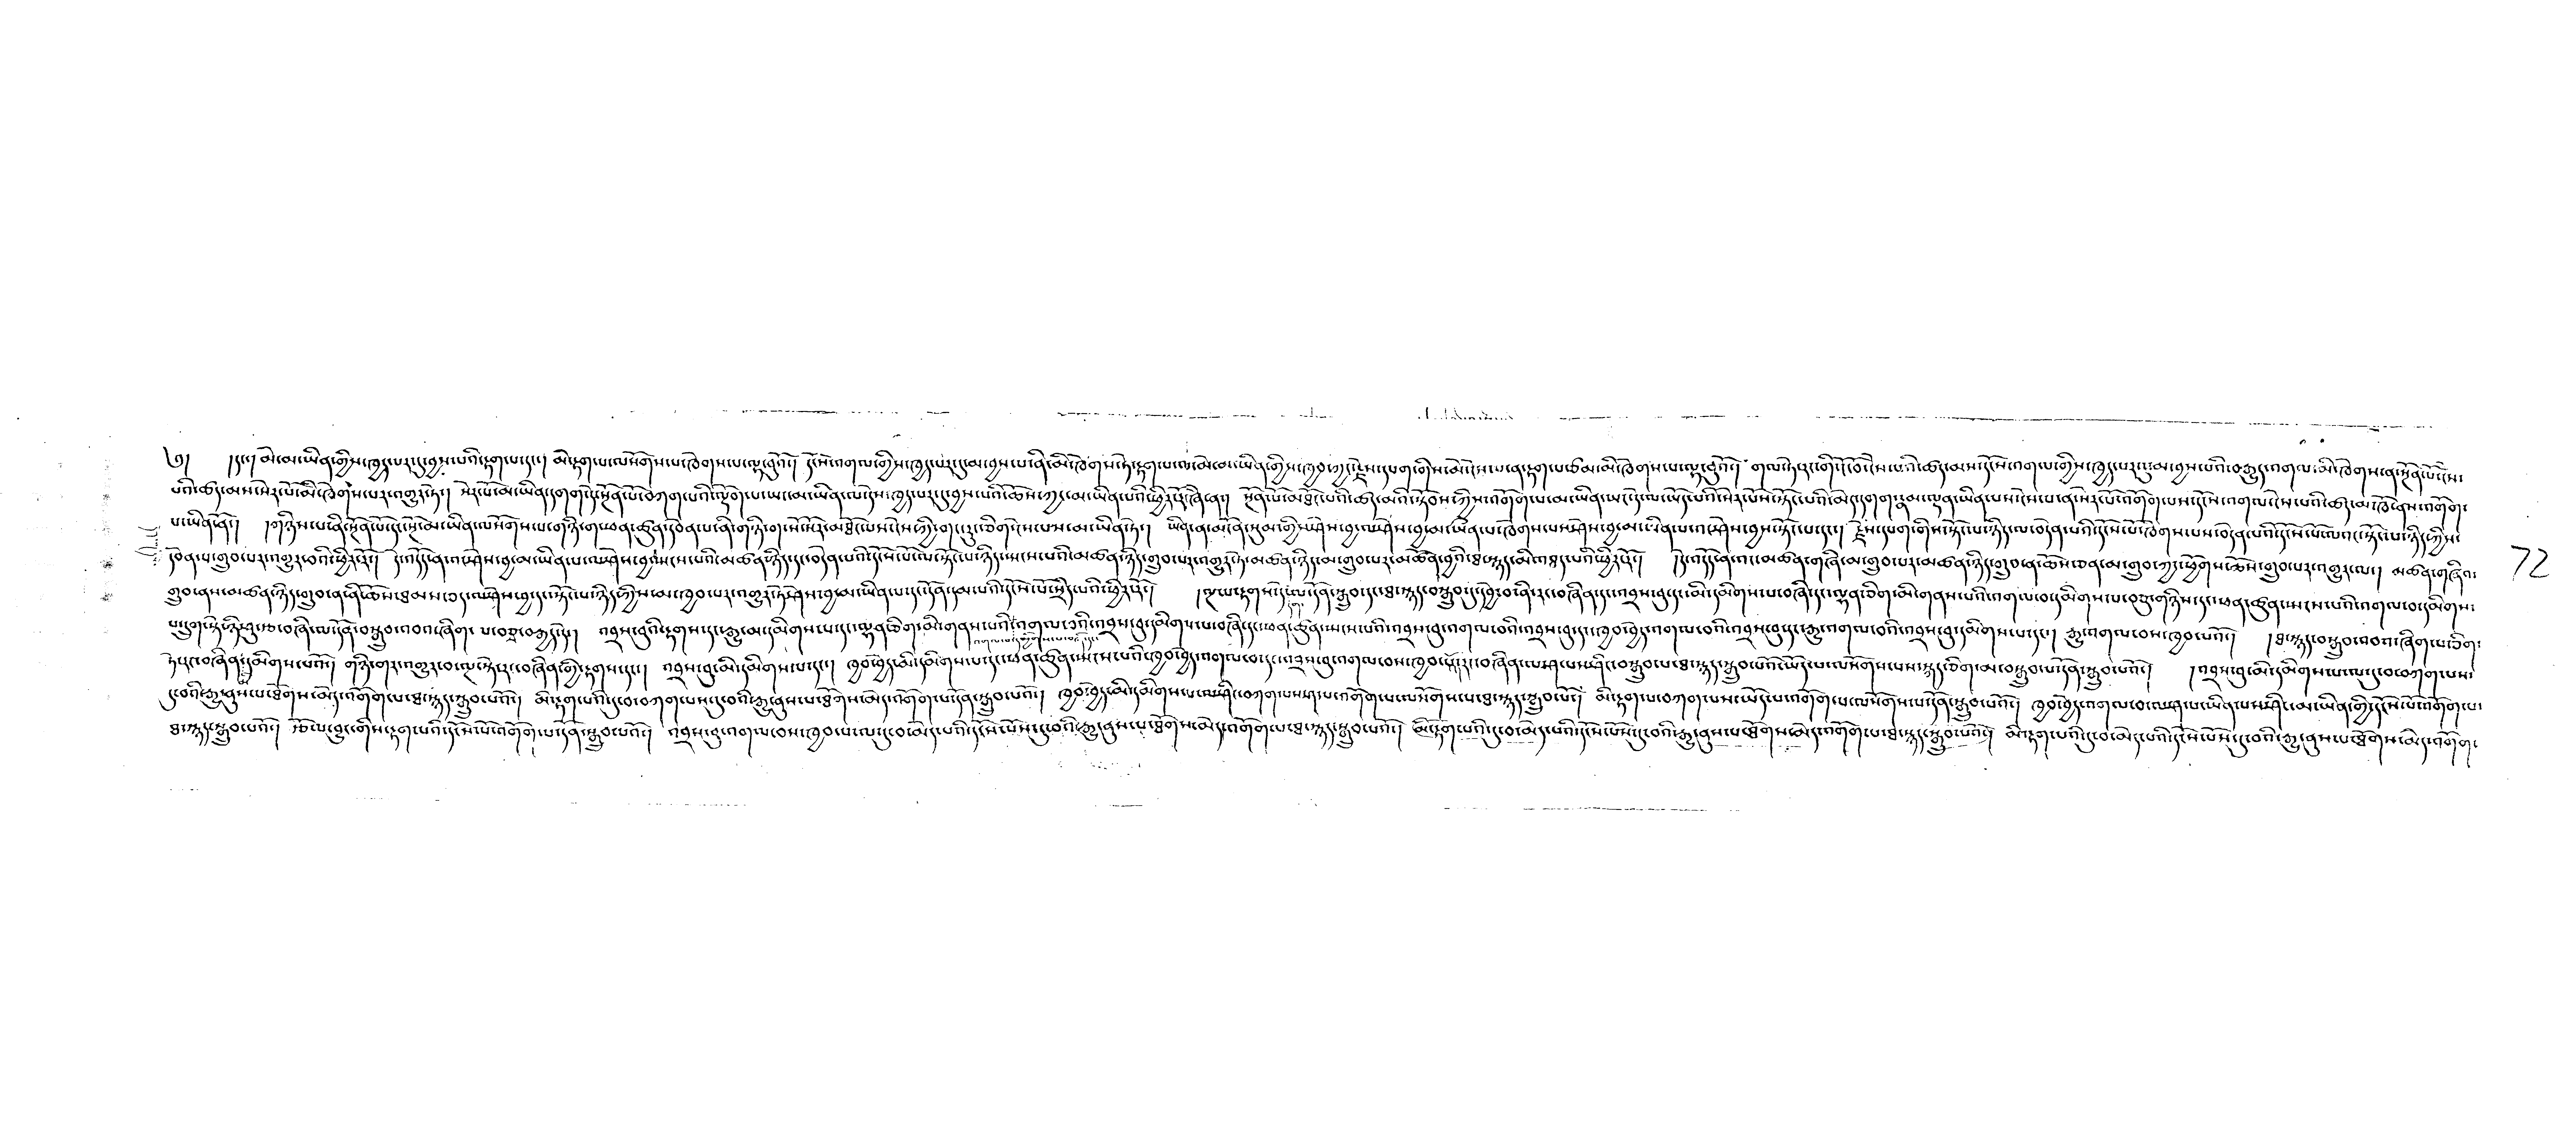༈། །དང་། མེ་མ་ཡིན་གྱིས་ཁྱད་པར་དུ་བྱས་པའི་རྟག་པ་དང་། མེ་རྟག་པ་ལ་སོགས་པ་ཁེགས་པ་ལྟ་བུའོ། དངོས་འགལ་གྱིས་ཁྱད་པར་དུ་མ་བྱས་པ་ནི་མི་ཁེགས་ཏེ་རྟག་པ་ལ་མེ་མ་ཡིན་གྱིས་ཁྱབ་ཀྱང་རྗེས་དཔག་གིས་མེ་ངེས་པ་ན་རྟག་པ་ཙམ་མི་ཁེགས་པ་ལྟ་བུའོ། གལ་ཏེ་རང་གི་ངོ་བོ་ངེས་པའི་ཚད་མས་དངོས་འགལ་གྱིས་ཁྱད་པར་དུ་མ་བྱས་པའི་བརྒྱུད་འགལ་མི་ཁེགས་ན་སྔོན་པོ་ངེས་
པའི་ཚད་མས་སེར་པོ་མི་ཁེགས་པར་འགྱུར་ཏེ། སེར་པོ་མ་ཡིན་དགག་དེ་སྔོན་པོ་བཀག་པའི་ལྡོག་པ་ཡང་མ་ཡིན་ལ་དེས་ཁྱད་པར་དུ་བྱས་པའི་ཆོས་ཀྱང་མ་ཡིན་པའི་ཕྱིར་རོ་ཞེ་ན། སྔོན་པོ་མཐོང་པའི་ཚད་མའི་སྟོབས་ཀྱིས་འགོག་པ་མ་ཡིན་ཡང་དེ་ལ་ཡོད་པའི་སེར་པོས་སྟོང་པའི་མེད་དགག་རྣམ་ལྡན་ཡིན་པས་ངེས་པ་ན་སེར་པོ་འགོག་པས་དངོས་འགལ་ངེས་པའི་ཚད་མ་ཁོ་ནས་འགོག་
པ་ཡིན་ནོ། །གཉིས་པ་ནི་སྔོན་པོ་དང་སྔོ་མ་ཡིན་ལ་སོགས་པ་གཉི་ག་ཕན་ཚུན་དབེན་པ་ནི་གཉི་ག་སོ་སོར་མཐོང་པས་ངེས་ཀྱི་གང་རུང་ཅིག་ངེས་པས་མ་ཡིན་ཏེ། ཡིན་ན་མངོན་སུམ་གྱིས་ཤེས་བྱ་ལ་ཤེས་བྱ་མ་ཡིན་པ་ཁེགས་པས་ཤེས་བྱ་མ་ཡིན་པ་འང་ཤེས་བྱས་སྟོང་པ་དང་། རྗེས་དཔག་གིས་སྟོང་པ་ཉིད་ལ་བདེན་པའི་དངོས་པོ་ཁེགས་པས་བདེན་པའི་དངོས་པོ་ལའང་སྟོང་པ་ཉིད་ཀྱིས་
དབེན་པ་གྲུབ་པར་འགྱུར་བའི་ཕྱིར་རོ། དེ་འདོད་ན་འང་ཤེས་བྱ་མ་ཡིན་པ་ལ་ཤེས་བྱ་སྤངས་པའི་མཚན་ཉིད་དང་བདེན་པའི་དངོས་པོ་ལ་སྟོང་པ་ཉིད་སྤངས་པའི་མཚན་ཉིད་གྲུབ་པར་འགྱུར་ཏེ་མཚན་ཉིད་མ་གྲུབ་པར་མཚོན་བྱའི་ཐ་སྙད་མི་འཐད་པའི་ཕྱིར་རོ། །དེ་འདོད་ན་འང་མཚན་གཞི་མ་གྲུབ་པར་མཚན་ཉིད་གྲུབ་ན་ཆོས་ཅན་མ་གྲུབ་ཀྱང་ཕྱོགས་ཆོས་གྲུབ་པར་འགྱུར་ལ། མཚན་གཞིའ་
གྲུབ་ནས་མཚན་ཉིད་གྲུབ་ན་ནི་ཆོས་ཐམས་ཅད་ལ་ཤེས་བྱ་དང་སྟོང་པ་ཉིད་ཀྱིས་མ་ཁྱབ་པར་འགྱུར་ཏེ་ཤེས་བྱ་མ་ཡིན་པ་དང་དོན་དམ་པའི་དངོས་པོ་སྲིད་པའི་ཕྱིར་རོ། །ལྔ་པ་རྟགས་དེ་དག་ལ་དོན་སྒྲུབ་དང་ཐ་སྙད་བསྒྲུབ་དུ་དབྱེ་བ་ནི་རང་བཞིན་དང་འབྲས་བུ་དང་མི་དམིགས་པ་བཞི་དང་ལྷན་ཅིག་མི་གནས་པའི་འགལ་བ་དམིགས་པ་བཅུ་གཉིས་དང་ཕན་ཚུན་སྤངས་པའི་འགལ་བ་དམིགས་
པ་དྲུག་སྟེ་ཉི་ཤུ་རྩ་བཞི་ལ་དོན་བསྒྲུབ་འབའ་ཞིག་པ་བཅྭ་བརྒྱད་དེ། འབྲས་བུའི་རྟགས་དང་རྒྱུ་མ་དམིགས་པ་དང་ལྷན་ཅིག་མི་གནས་པའི་འགལ་པ་དམིགས་པ་བཞི་དང་འགལ་བའི་འབྲས་བུ་དམིགས་པ་བཞི་དང་ཕན་ཚུན་སྤངས་པའི་འབྲས་བུ་འགལ་བའི་འབྲས་བུ་དང་ཁྱབ་བྱེད་འགལ་བའི་འབྲས་བུ་དང་རྒྱུ་འགལ་བའི་འབྲས་བུ་དམིགས་པ་དང་། རྒྱུ་འགལ་བས་ཁྱབ་པའོ། །ཐ་སྙད་བསྒྲུབ་འབའ་ཞིག་པ་ཅིག་
ཏེ་རང་བཞིན་མི་དམིགས་པའོ། གཉི་གར་འགྱུར་བ་ལྔ་སྟེ་རང་བཞིན་གྱི་རྟགས་དང་། འབྲས་བུ་མི་དམིགས་པ་དང་། ཁྱབ་བྱེད་མི་དམིགས་པ་དང་ཕན་ཚུན་སྤངས་པའི་ཁྱབ་བྱེད་འགལ་བ་དང་འབྲས་བུ་འགལ་བས་ཁྱབ་པའོ་རང་བཞིན་ལ་ཤ་པས་ཤིང་བསྒྲུབ་པ་ཐ་སྙད་སྒྲུབ་པའོ་ཡོད་པ་ལ་སོགས་པས་སྐད་ཅིག་མ་བསྒྲུབ་པ་དོན་སྒྲུབ་པའོ། །འབྲས་བུ་མི་དམིགས་པ་ལ་དུ་བ་བཀག་པས་
དུ་བའི་རྒྱུ་ནུས་པ་ཐོགས་མེད་འགོག་པ་ཐ་སྙད་སྒྲུབ་པའོ། མི་རྟག་པའི་དུ་བ་བཀག་པས་དུ་བའི་རྒྱུ་ནུས་པ་ཐོགས་མེད་འགོག་པ་དོན་སྒྲུབ་པའོ། ཁྱབ་བྱེད་མི་དམིགས་པ་ལ་ཤིང་བཀག་པས་ཤ་པ་འགོག་པ་ལ་སོགས་པ་ཐ་སྙད་སྒྲུབ་པོ། མི་རྟག་པ་བཀག་པས་ཡོད་པ་འགོག་པ་ལ་སོགས་པ་དོན་སྒྲུབ་པའོ། ཁྱབ་བྱེད་འགལ་བ་ལ་ཤ་པ་ཡིན་པས་ཤིང་མ་ཡིན་གྱི་དངོས་པོ་འགོག་པ་
ཐ་སྙད་སྒྲུབ་པའོ། རྩོལ་བྱུང་གིས་རྟག་པའི་དངོས་པོ་འགོག་པ་དོན་སྒྲུབ་པའོ། འབྲས་བུ་འགལ་བས་ཁྱབ་པ་ལ་དུ་བ་མེད་པའི་དངོས་པོས་དུ་བའི་རྒྱུ་ནུས་པ་ཐོགས་མེད་འགོག་པ་ཐ་སྙད་སྒྲུབ་པའོ། མི་རྟོག་པའི་དུ་བ་མེད་པའི་དངོས་པོས་དུ་བའི་རྒྱུ་ནུས་པ་ཐོགས་མེད་འགོག་པ་ཐ་སྙད་སྒྲུབ་པའོ། མི་རྟག་པའི་དུ་བ་མེད་པའི་དངོས་པོས་དུ་བའི་རྒྱུ་ནུས་པ་ཐོགས་མེད་འགོག་